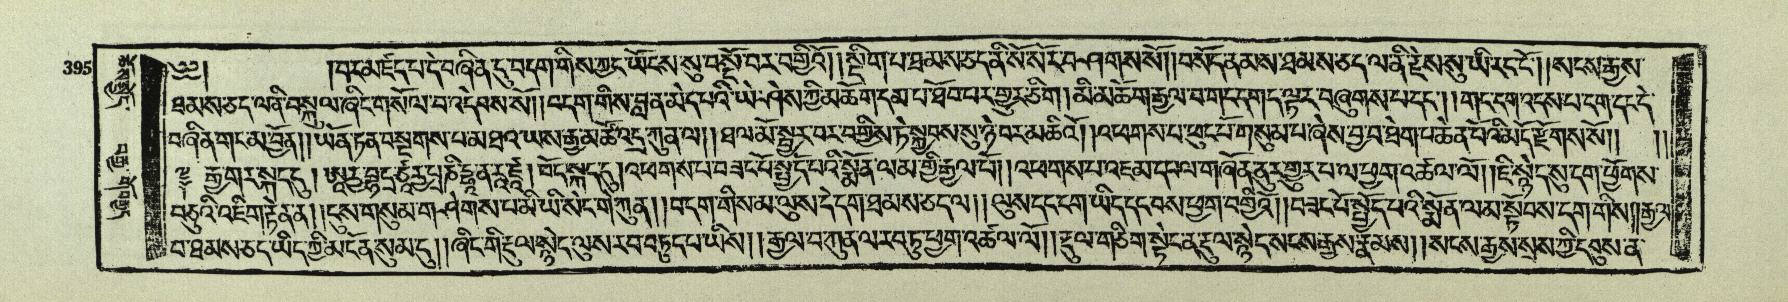༄༅། །བར་མཛད་པ་དེ་བཞིན་དུ་བདག་གིས་ཀྱང་ཡོངས་སུ་བསྔོ་བར་བགྱིའོ། །སྡིག་པ་ཐམས་ཅད་ནི་སོ་སོར་བཤགས་སོ། །བསོད་ནམས་ཐམས་ཅད་ལ་ནི་རྗེས་སུ་ཡི་རང་ངོ། །སངས་རྒྱས་
ཐམས་ཅད་ལ་ནི་བསྐུལ་ཞིང་གསོལ་བ་འདེབས་སོ། །བདག་གིས་བླ་ན་མེད་པའི་ཡེ་ཤེས་ཀྱི་མཆོག་དམ་པ་ཐོབ་པར་གྱུར་ཅིག །མི་མཆོག་རྒྱལ་བ་གང་དགད་ལྟར་བཞུགས་པ་དང་། །གང་དག་འདས་པ་དག་དང་དེ་
བཞིན་གང་མ་བྱོན། །ཡོན་ཏན་བསྔགས་པ་མཐའ་ཡས་རྒྱ་མཚོ་འདྲ་ཀུན་ལ། །ཐལ་མོ་སྦྱར་བར་བགྱིས་ཏེ་སྐྱབས་སུ་ཉེ་བར་མཆིའོ། །འཕགས་པ་ཕུང་པོ་གསུམ་པ་ཞེས་བྱ་བ་ཐེག་པ་ཆེན་པོའི་མདོ་རྫོགས་སོ།། །།
འ་རྒྱ་གར་སྐད་དུ། ཨཱརྱ་བྷ་དྲ་ཙཱ་རྱ་པྲཎི་དྷཱ་ན་རཱ་ཛཱ། བོད་སྐད་དུ། འཕགས་པ་བཟང་པོ་སྤྱོད་པའི་སྨོན་ལམ་གྱི་རྒྱལ་པོ། །འཕགས་པ་འཇམ་དཔལ་གཞོན་ནུར་གྱུར་པ་ལ་ཕྱག་འཚལ་ལོ། །ཇི་སྙེད་སུ་དག་ཕྱོགས་
བཅུའི་འཇིག་རྟེན་ན། །དུས་གསུམ་གཤེགས་པ་མི་ཡི་སེང་གེ་ཀུན། །བདག་གིས་མ་ལུས་དེ་དག་ཐམས་ཅད་ལ། །ལུས་དང་ངག་ཡིད་དང་བས་ཕྱག་བགྱིའོ། །བཟང་པོ་སྤྱོད་པའི་སྨོན་ལམ་སྟོབས་དག་གིས། །རྒྱལ་
བ་ཐམས་ཅད་ཡིད་ཀྱི་མངོན་སུམ་དུ། །ཞིང་གི་རྡུལ་སྙེད་ལུས་རབ་བཏུད་པ་ཡིས། །རྒྱལ་བ་ཀུན་ལ་རབ་ཏུ་ཕྱག་འཚལ་ལོ། །རྡུལ་གཅིག་སྟེང་ན་རྡུལ་སྙེད་སངས་རྒྱས་རྣམས། །སངས་རྒྱས་སྲས་ཀྱི་དབུས་ན་